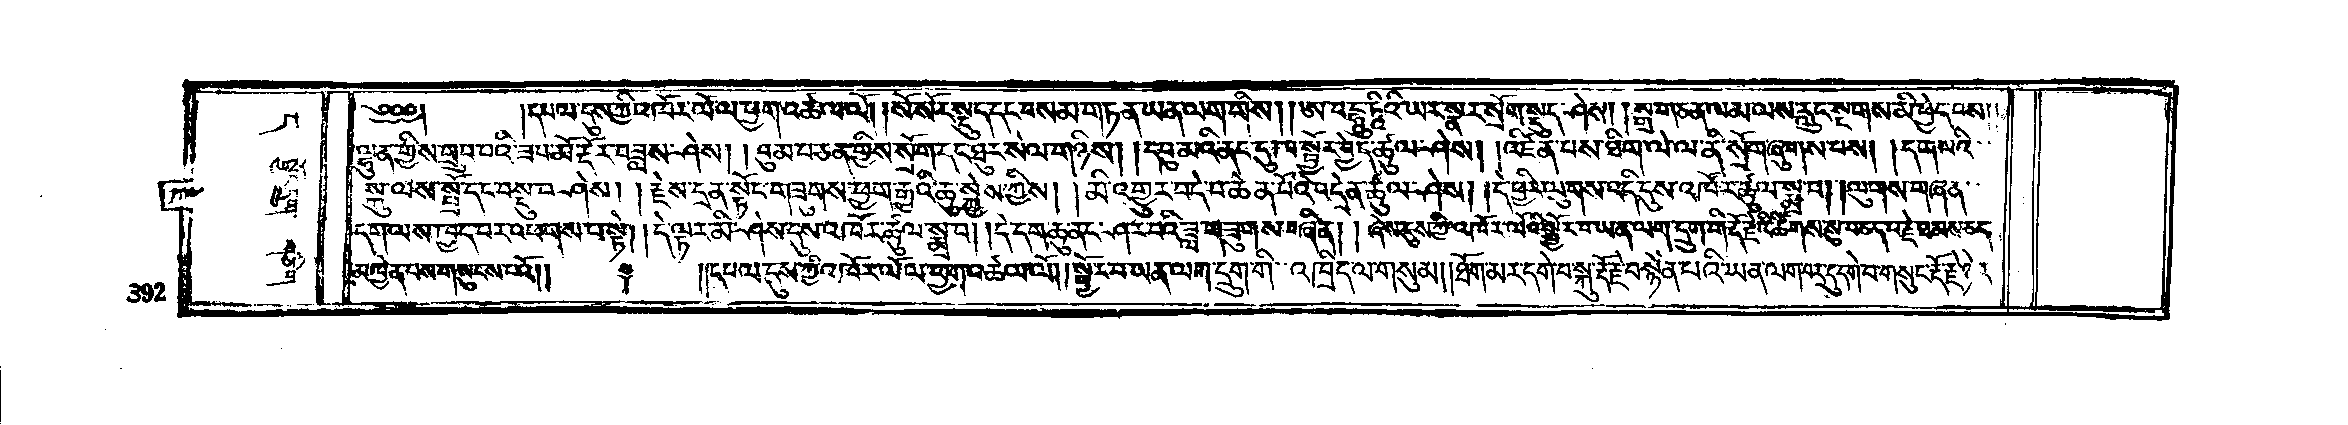༄༅༅། །དཔལ་དུས་ཀྱི་འཁོར་ལོ་ལ་ཕྱག་འཚལ་ལོ། །སོ་སོར་སྡུད་དང་བསམ་གཏན་ཡན་ལག་གིས། །ཨ་བ་དྷཱུ་ཏཱིའི་ཡར་སྣར་སྲོག་སྡུད་ཤེས། །སྒྲ་གཅན་ལམ་ལས་རླུང་སྔགས་མི་ཕྱེད་པས།།
ལྷུན་གྱིས་གྲུབ་པའི་ཟབ་མོ་རྡོར་བཟླས་ཤེས། །བུམ་པ་ཅན་གྱིས་སྲོག་དང་ཐུར་སེལ་གཉིས། །དབུ་མའི་ནང་དུ་ཁ་སྦྱོར་བྱེད་ཚུལ་ཤེས། །འཛིན་པས་ཐིག་ལེ་ལ་ནི་སྲོག་ཞུགས་པས། །དག་པའི་
སྐུ་ལས་སྤྲོ་དང་བསྡུ་བ་ཤེས། །རྗེས་དྲན་སྟོང་གཟུགས་ཕྱག་རྒྱའི་ཆུ་སྐྱེས་ཀྱིས། །མི་འགྱུར་བདེ་བ་ཆེན་པོའི་འདྲེན་ཚུལ་ཤེས། །དེ་ཕྱིར་ལུགས་འདི་དུས་འཁོར་ཚུལ་སྨྲ་བ། །ལུགས་གཞན་
དག་ལས་ཁྱད་པར་འཕགས་པ་སྟེ། །དེ་ལྟར་མི་ཤེས་དུས་འཁོར་ཚུལ་སྨྲ་བ། །དེ་དག་ཆུ་ནང་ནང་ཤར་བའི་ཟླ་གཟུགས་བཞིན། །ཞེས་དུས་ཀྱི་འཁོར་ལོའི་སྦྱོར་བ་ཡན་ལག་དྲུག་གི་རྡོ་རྗེའི་ཚིགས་སུ་བཅད་པ་རྗེ་ཐམས་ཅད་
མཁྱེན་པས་གསུངས་པའོ།། ༈ །།དཔལ་དུས་ཀྱི་འཁོར་ལོ་ལ་ཕྱག་འཚལ་ལོ། །སྦྱོར་བ་ཡན་ལག་དྲུག་གི་འཁྲིད་ལ་གསུམ། །ཐོག་མར་དགེ་བ་སྐུ་རྡོ་རྗེ་བསྙེན་པའི་ཡན་ལག་བར་དུ་དགེ་བ་གསུང་རྡོ་རྗེ་ཉེར་